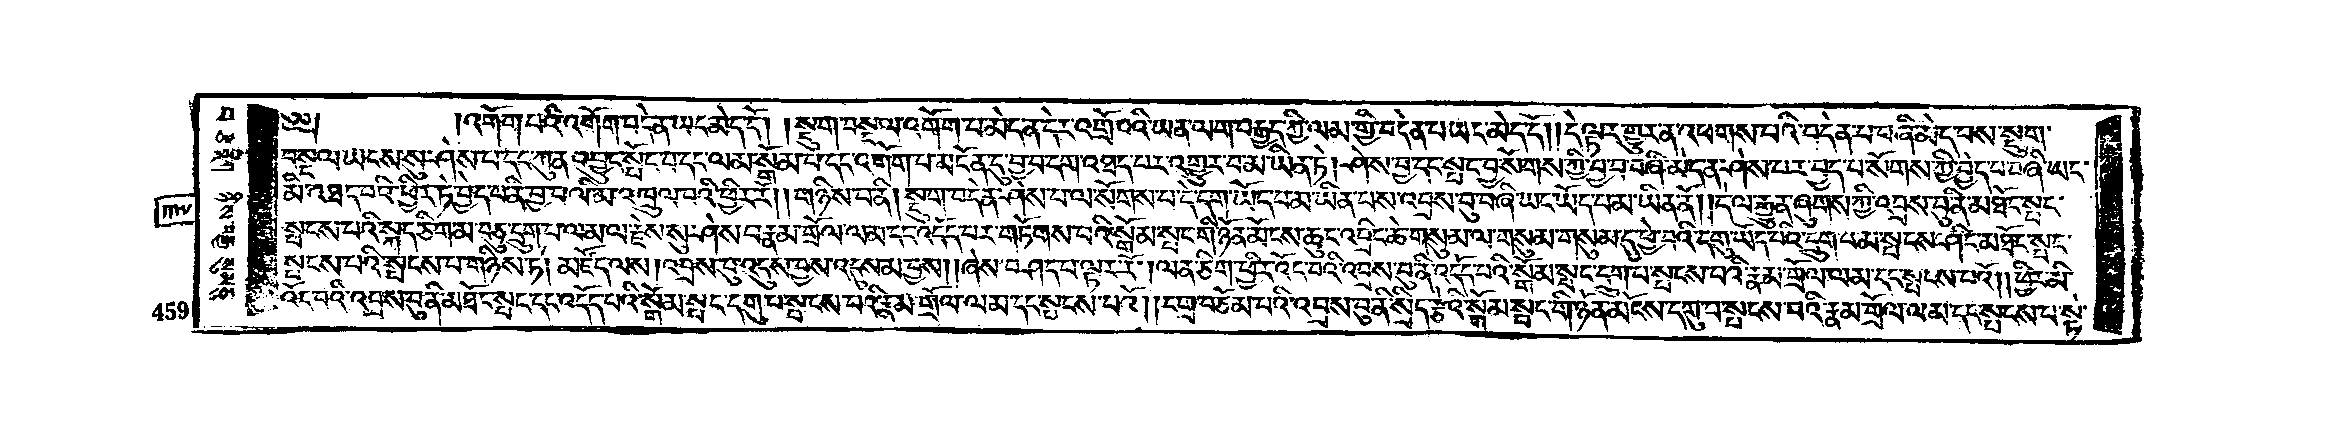༄༅། །འགོག་པའི་འགོག་བདེན་ཡང་མེད་དོ། །སྡུག་བསྔལ་འགོག་པ་མེད་ན་དེར་འགྲོ་བའི་ཡན་ལག་བརྒྱད་ཀྱི་ལམ་གྱི་བདེན་པ་ཡང་མེད་དོ། །དེ་ལྟར་གྱུར་ན་འཕགས་པའི་བདེན་པ་བཞི་མེད་པས་སྡུག་
བསྔལ་ཡོངས་སུ་ཤེས་པ་དང་ཀུན་འབྱུང་སྤོང་བ་དང་ལམ་སྒོམ་པ་དང་འགོག་པ་མངོན་དུ་བྱ་བ་དག་འཐད་པར་འགྱུར་བ་མ་ཡིན་ཏེ། ཤེས་བྱ་དང་སྤང་བྱ་སོགས་ཀྱི་བྱ་བ་བཞི་མེད་ན་ཤེས་པར་བྱད་པ་སོགས་ཀྱི་བྱེད་པ་བཞི་ཡང་
མི་འཐད་པའི་ཕྱིར་ཏེ་བྱེད་པ་ནི་བྱ་བ་ལ་མི་འཁྲུལ་བའི་ཕྱིར་རོ། །གཉིས་པ་ནི། སྡུག་བདེན་ཤེས་པ་ལ་སོགས་པ་དེ་དག་ཡོད་པ་མ་ཡིན་པས་འབྲས་བུ་བཞི་ཡང་ཡོད་པ་མ་ཡིན་ནོ། །དེ་ལ་རྒྱུན་ཞུགས་ཀྱི་འབྲས་བུ་ནི་མཐོང་སྤང་
སྤངས་པའི་སྐད་ཅིག་མ་བཅུ་དྲུག་པ་ལམ་ལ་རྗེས་སུ་ཤེས་པ་རྣམ་གྲོལ་ལམ་དང་འདོད་པར་གཏོགས་པའི་སྒོམ་སྤང་གི་ཉོན་མོངས་ཆུང་འབྲིང་ཆེ་གསུམ་ལ་གསུམ་གསུམ་དུ་ཕྱེ་བའི་དགུ་ཡོད་པའི་དྲུག་པ་མ་སྤངས་ཤིང་མཐོང་སྤང་
སྤངས་པའི་སྤངས་པ་གཉིས་ཏེ། མཛོད་ལས། འབྲས་བུ་འདུས་བྱས་འདུས་མ་བྱས། །ཞེས་བཤད་པ་ལྟར་རོ། །ལན་ཅིག་ཕྱིར་འོང་བའི་འབྲས་བུ་ནི་འདོད་པའི་སྒོམ་སྤང་དྲུག་པ་སྤངས་པའི་རྣམ་གྲོལ་ལམ་དན་སྤངས་པའོ། །ཕྱིར་མི་
འོང་བའི་འབྲས་བུ་ནི་མཐོང་སྤང་དང་འདོད་པའི་སྒོམ་སྤང་དགུ་པ་སྤངས་པའི་རྣམ་གྲོལ་ལམ་དང་སྤངས་པའོ། །དགྲ་བཅོམ་པའི་འབྲས་བུ་ནི་སྲིད་རྩེའི་སྒོམ་སྤང་གི་ཉོན་མོངས་དགུ་པ་སྤངས་པའི་རྣམ་གྲོལ་ལམ་དང་སྤངས་པ་སྟེ་